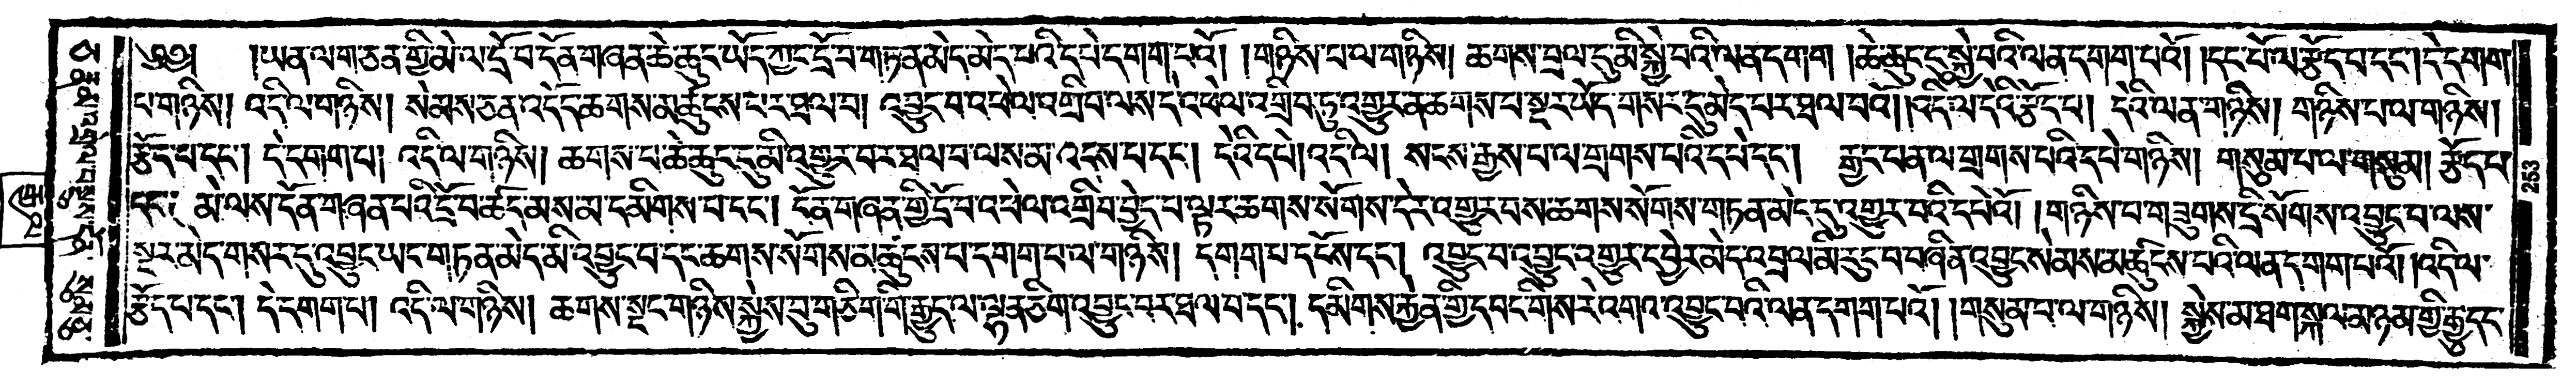༄༅། །ཡན་ལག་ཅན་གྱི་མེ་ལ་དྲོ་བ་དོན་གཞན་ཆེ་ཆུང་ཡོད་ཀྱང་དྲོ་བ་གཏན་མེད་མེད་པའི་དཔེ་དགག་པའོ། །གཉིས་པ་ལ་གཉིས། ཆགས་བྲལ་དུ་མི་སྐྱེ་བའི་ལན་དགག །ཆེ་ཆུང་དུ་སྐྱེ་བའི་ལན་དགག་པའོ། །དང་པོ་ལ་རྩོད་པ་དང་། དེ་དགག་
པ་གཉིས། འདི་ལ་གཉིས། སེམས་ཅན་འདོད་ཆགས་མཚུངས་པར་ཐལ་བ། འབྱུང་བ་འཕེལ་འགྲིབ་ལས་དེ་འཕེལ་འགྲིབ་ཏུ་འགྱུར་ན་ཆགས་པ་སྔར་ཡོད་གསར་དུ་མེད་པར་ཐལ་བའོ། །འདི་ལ་དེའི་རྩོད་པ། དེའི་ལན་གཉིས། གཉིས་པ་ལ་གཉིས།
རྩོད་པ་དང་། དེ་དགག་པ། འདི་ལ་གཉིས། ཆགས་པ་ཆེ་ཆུང་དུ་མི་འགྱུར་བར་ཐལ་བ་ལས་མ་འདས་པ་དང་། དེའི་དཔེ། འདི་ལ། སངས་རྒྱས་པ་ལ་གྲགས་པའི་དཔེ་དང་། རྒྱང་པན་ལ་གྲགས་པའི་དཔེ་གཉིས། གསུམ་པ་ལ་གསུམ། རྩོད་པ་
དང་། མེ་ལས་དོན་གཞན་པའི་དྲོ་བ་ཚད་མས་མ་དམིགས་པ་དང་། དོན་གཞན་གྱི་དྲོ་བ་འཕེལ་འགྲིབ་བྱེད་པ་ལྟར་ཆགས་སོགས་དེར་འགྱུར་བས་ཆགས་སོགས་གཏན་མེད་དུ་འགྱུར་བའི་དཔེའོ། །གཉིས་པ་གཟུགས་དྲི་སོགས་འབྱུང་བ་ལས་
སྔར་མེད་གསར་དུ་འབྱུང་ཡང་གཏན་མེད་མི་འབྱུང་བ་དང་ཆགས་སོགས་མཚུངས་པ་དགག་པ་ལ་གཉིས། དགག་པ་དངོས་དང་། འབྱུང་བ་འབྱུང་འགྱུར་དབྱེར་མེད་འབྲལ་མི་རུང་བ་བཞིན་འབྱུང་སེམས་མཚུངས་པའི་ལན་དགག་པའོ། །འདི་ལ་
རྩོད་པ་དང་། དེ་དགག་པ། འདི་ལ་གཉིས། ཆགས་སྡང་གཉིས་སྐྱེས་བུ་གཅིག་གི་རྒྱུད་ལ་ལྷན་ཅིག་འབྱུང་བར་ཐལ་བ་དང་། དམིགས་རྐྱེན་གྱི་དབང་གིས་རེ་འགའ་འབྱུང་བའི་ལན་དགག་པའོ། །གསུམ་པ་ལ་གཉིས། སྐྱེས་མ་ཐག་སྐལ་མཉམ་གྱི་རྒྱུ་དང་